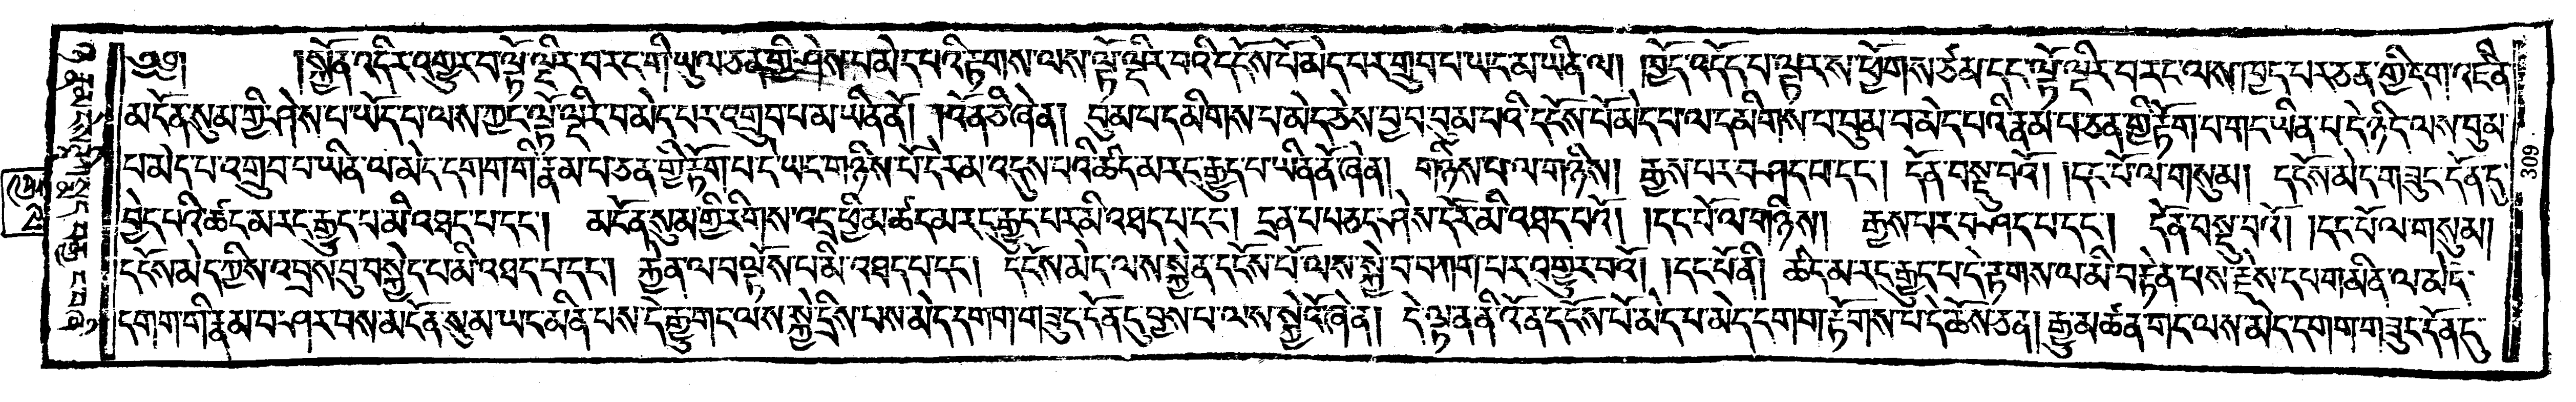༄༅། །སྐྱོན་འདིར་འགྱུར་བ་ལྟོ་ལྡིར་བ་རང་གི་ཡུལ་ཅན་གྱི་ཤེས་པ་མེད་པའི་རྟགས་ལས་ལྟོ་ལྡིར་བའི་དངོས་མེད་པར་གྲུབ་པ་ཡང་མ་ཡིན་ལ། ཁྱོད་འདོད་པ་ལྟར་ས་ཕྱོགས་ཙམ་དང་ལྟོ་ལྡིར་བ་རང་ལས་ཁྱད་པར་ཅན་གྱི་དག་འཛིན་
མངོན་སུམ་གྱི་ཤེས་པ་ཡོད་པ་ལས་ཀྱང་ལྟོ་ལྡིར་བ་མེད་པར་འགྲུབ་པ་མ་ཡིན་ནོ། །འོ་ན་ཅི་ཞེ་ན། བུམ་པ་དམིགས་པ་མེད་ཅེས་བྱ་བ་བུམ་པའི་དངོས་པོ་མེད་པ་ལ་དམིགས་པ་བུམ་པ་མེད་པའི་རྣམ་པ་ཅན་གྱི་རྟོག་པ་གང་ཡིན་པ་དེ་ཉིད་ལས་བུམ་
པ་མེད་པ་འགྲུབ་པ་ཡིན་ལ་མེད་དགག་གི་རྣམ་པ་ཅན་གྱི་རྟོག་པ་དེ་ཡང་གཉིས་པོ་དེར་མ་འདུས་པའི་ཚར་མ་རང་རྒྱུད་པ་ཡིན་ནོ་ཞེ་ན། གཉིས་པ་ལ་གཉིས། རྒྱས་པར་བཤད་པ་དང་། དོན་བསྡུ་བའོ། །དང་པོ་ལ་གསུམ། དངོས་མེད་གཟུང་དོན་དུ་
བྱེད་པའི་ཚད་མ་རང་རྒྱུད་པ་མི་འཐད་པ་དང་། མངོན་སུམ་གྱི་རིགས་འདྲ་ཕྱི་མ་ཚད་མ་རང་རྒྱུད་པར་མི་འཐད་པ་དང་། དྲན་པ་བཅད་ཤེས་དོར་མི་འཐད་པའོ། །དང་པོ་ལ་གཉིས། རྒྱས་པར་བཤད་པ་དང་། དོན་བསྡུ་བའོ། །དང་པོ་ལ་གསུམ།
དངོས་མེད་ཀྱིས་འབྲས་བུ་བསྐྱེད་པ་མི་འཐད་པ་དང་། རྐྱེན་ལ་བལྟོས་པ་མི་འཐད་པ་དང་། དངོས་མེད་ལས་སྐྱེན་དངོས་པོ་ལས་སྐྱེ་བ་བཀག་པར་འགྱུར་བའོ། །དང་པོ་ནི། ཚད་མ་རང་རྒྱུད་པ་དེ་རྟགས་ལ་མི་བརྟེན་པས་རྗེས་དཔག་མིན་ལ་མེད་
དགག་གི་རྣམ་པ་ཤར་བས་མངོན་སུམ་ཡང་མིན་པས་དེ་རྒྱུ་གང་ལས་སྐྱེ་དྲིས་པས་མེད་དགག་གཟུང་དོན་དུ་བྱས་པ་ལས་སྐྱེའོ་ཞེ་ན། དེ་ལྟ་ན་ནི་འོ་ན་དངོས་པོ་མེད་པ་མེད་དགག་རྟོགས་པ་དེ་ཆོས་ཅན། རྒྱུ་མཚན་གང་ལས་མེད་དགག་གཟུང་དོན་དུ་